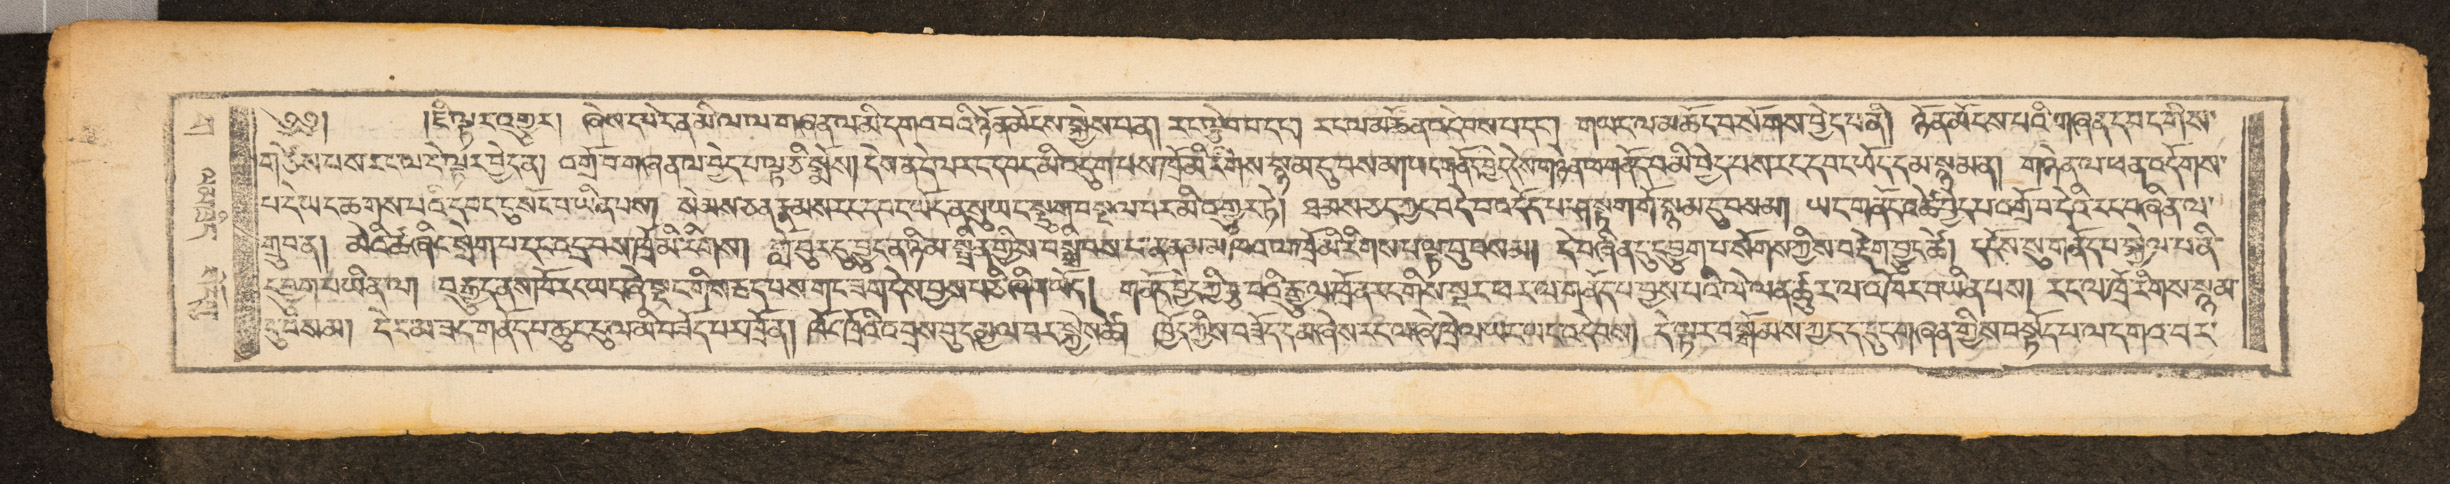༄༅། །ཇི་ལྟར་འགྱུར། ཞེས་དཔེར་ན་མི་ལ་ལ་གཞན་ལ་མི་དགའ་བའི་ཉོན་མོངས་སྐྱེས་བ་ན། རང་ལྕེབ་བ་དང་། རང་ལ་མཚོན་འདེབས་བ་དང་། གཡང་ལ་མཆོང་བ་སོགས་བྱེད་པ་ནི། ཉོན་མོངས་པའི་གཞན་དབང་གིས་
གཙེས་པས་རང་ལ་དེ་ལྟར་བྱེད་ན། འགྲོ་བ་གཞན་ལ་བྱེད་པ་ལྟ་ཅི་སྨོས། དེས་ན་དེ་ལ་རང་དབང་མི་འདུག་པས་ཁྲོ་མི་རིགས་སྙམ་དུ་བསམ། ཡང་གནོད་བྱེད་དེས་གཉེན་ལ་གནོད་པ་མི་བྱེད་པས་རང་དབང་ཡོད་དམ་སྙམ་ན། གཉེན་ལ་ཕན་འདོགས་
པ་དེ་ཡང་ཆགས་པའི་དབང་དུ་སོང་བ་ཡིན་པས། སེམས་ཅན་རྣམས་རང་དབང་ཡོད་ན་སུ་ཡང་སྡུག་བསྔལ་བར་མི་འགྱུར་ཏེ། ཐམས་ཅད་ཀྱང་བདེ་བ་འདོད་པ་ཤ་སྟག་གོ་སྙམ་དུ་བསམ། ཡང་གནོད་འཚེ་བྱེད་པ་འགྲོ་བ་དེའི་རང་བཞིན་ལ་
གྲུབ་ན། མེའི་ཚ་ཞིང་སྲེག་པ་དང་འདྲ་བས་ཁྲོ་མི་རིགས། གློ་བུར་དུ་བྱུང་ན་ཉི་མ་སྤྲིན་གྱིས་བསྒྲིབས་པ་ན་ནམ་མཁའ་ལ་ཁྲོ་མི་རིགས་པ་ལྟ་བུ་བསམ། དེ་བཞིན་དུ་དབྱུག་པ་སོགས་ཀྱིས་བརྡེག་བྱུང་ཚེ། དངོས་སུ་གནོད་པ་སྐྱེལ་པ་ནི་
དབྱུག་པ་ཡིན་ལ། བརྒྱུད་ནས་ཁོ་རང་ཡང་ཞེ་སྡང་གིས་རྦད་པས་གང་ཟག་དེས་བྱས་པ་ཅི་ཞིག་ཡོད། གནོད་བྱེད་ཀྱི་རྩ་བའི་རྒྱུལ་ཁྲོ་ན་རང་གིས་སྔར་ཕར་ལ་གནོད་པ་བྱས་པའི་ལེ་ལན་ཚུར་ལ་འཁོར་བ་ཡིན་པས། རང་ལ་ཁྲོ་རིགས་སྙམ་
དུ་བསམ། དེང་མ་ཟད་གནོད་པ་ཆུང་དུ་ལ་མི་བཟོད་པར་ཁྲོ་ན། ཁོང་ཁྲོའི་འབྲས་བུ་དམྱལ་བར་སྒྱེས་ཚེ། ཁྱོད་ཀྱིས་བཟོད་དམ་ཞེས་རང་ལ་ཞེ་ཁྲེལ་ཡང་ཡང་འདེབས། དེ་ལྟར་བསྒོམས་ཀྱང་ད་དུང་གཞན་གྱིས་བསྟོད་པ་ལ་དགའ་བར་